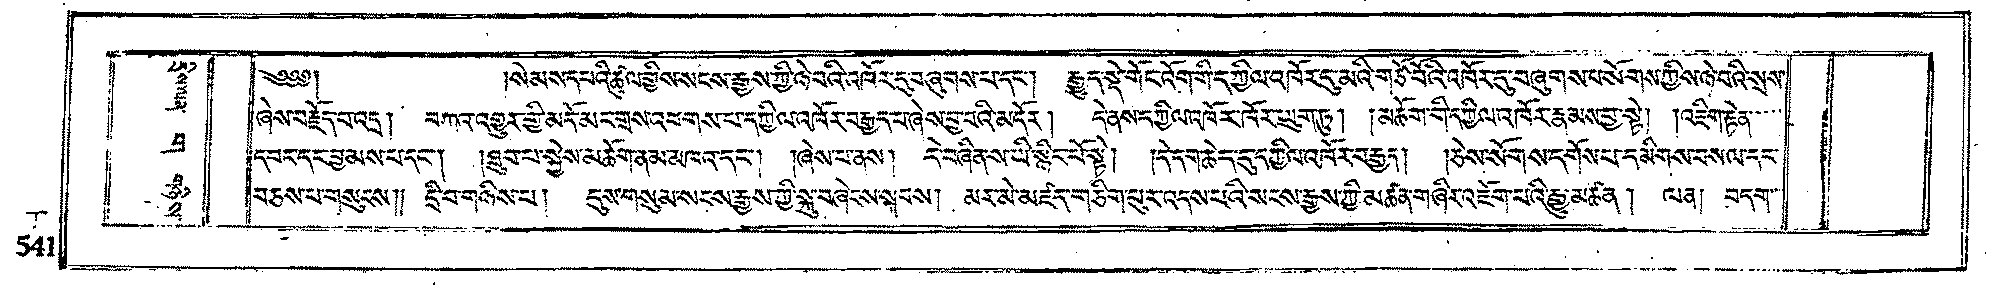༄༅༅། །སེམས་དཔའི་ཚུལ་གྱིས་སངས་རྒྱས་ཀྱི་ཉེ་བའི་འཁོར་དུ་བཞུགས་པ་དང་། རྒྱུད་སྡེ་གོང་འོག་གི་དཀྱིལ་འཁོར་དུ་མའི་གཙོ་བོའི་འཁོར་དུ་བཞུགས་པ་སོགས་ཀྱིས་ཉེ་བའི་སྲས་
ཞེས་བརྗོད་བ་འདྲ། བཀའ་འགྱུར་གྱི་མདོ་མང་གྲས་འཕགས་པ་དཀྱིལ་འཁོར་བརྒྱད་པ་ཞེས་བྱ་བའི་མདོར། དེ་ནས་དཀྱིལ་འཁོར་ཁོར་ཡུག་ཏུ། །མཆོག་གི་དཀྱིལ་འཁོར་རྣམས་བྱ་སྟེ། །འཇིག་རྟེན་་་
དབང་དང་བྱམས་པ་དང་། །ཐུབ་པ་སྐྱེས་མཆོག་ནམ་མཁའ་དང་། །ཞེས་པ་ནས། དེ་བཞིན་ས་ཡི་སྙིང་པོ་སྟེ། །དེ་དག་ཆེད་དུ་དཀྱིལ་འཁོར་བརྒྱད། །ཅེས་སོགས་དགོས་པ་དམིགས་བསལ་དང་
བཅས་པ་གསུངས།། དྲི་བ་གཉིས་པ། དུས་གསུམ་སངས་རྒྱས་ཀྱི་སྐུ་བཞེངས་སྐབས། མར་མེ་མཛད་གཅིག་པུར་འདས་པའི་སངས་རྒྱས་ཀྱི་མཚན་གཞིར་འཇོག་པའི་རྒྱུ་མཚན། ལན། བདག་་་